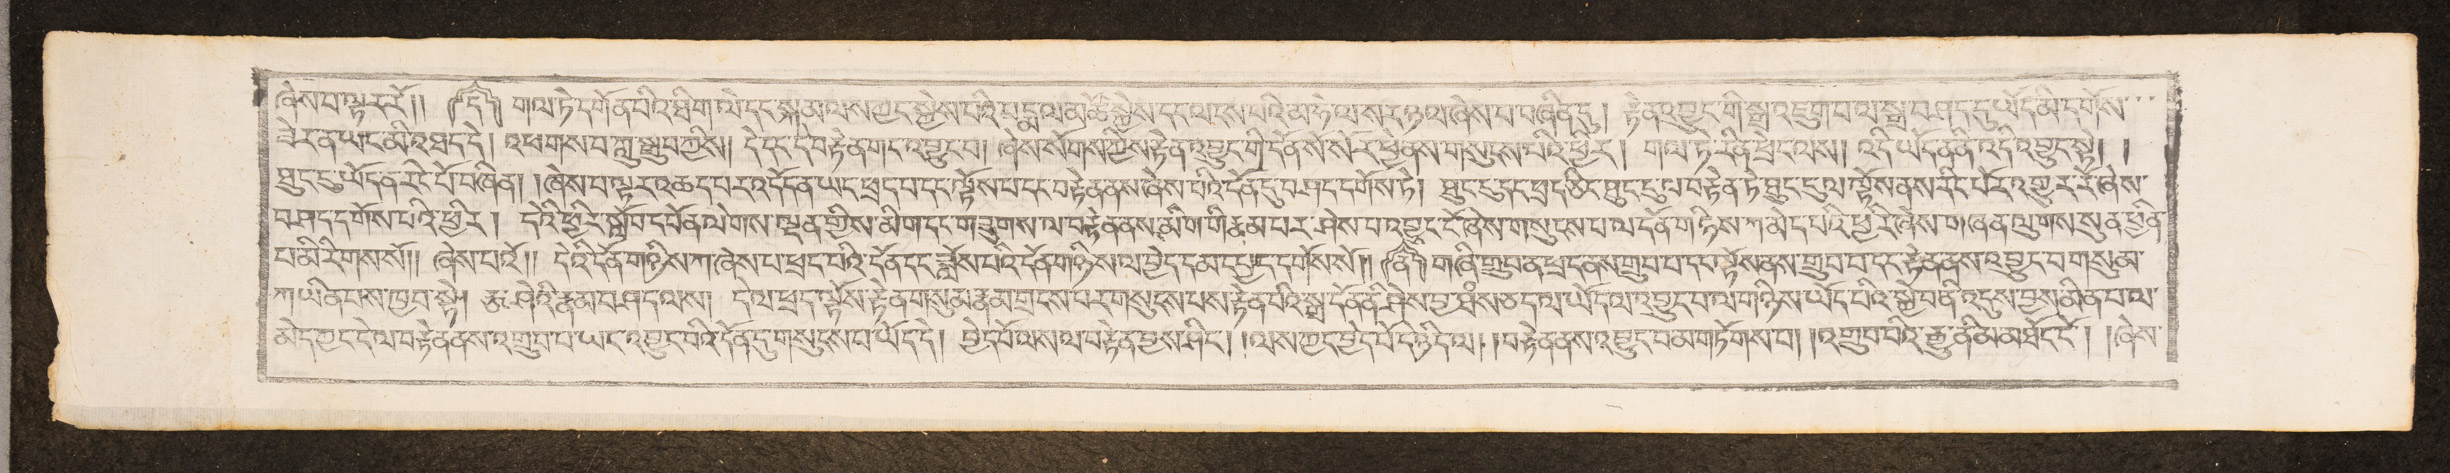ཞེས་པ་ལྟར་རོ།། ༼༽ད༼༽ གལ་ཏེ་དགོན་པའི་ཐིག་ལེ་དང་སྐམ་ལས་ཀྱང་སྐྱེས་པའི་པདམ་ལ་མཚོ་སྐྱེས་དང་ལངས་པའི་མ་ཧེ་ལ་སར་ཉལ་ཞེས་པ་བཞིན་དུ། རྟེན་འབྱང་གི་སྒྲ་འཇུག་པ་ལ་སྒྲ་བཤད་དུ་ཡོད་མི་དགོས་
ཟེར་ན་ཡང་མི་འཐད་དེ། འཕགས་པ་ཀླུ་སྒྲུབ་ཀྱིས། དེ་དང་དེ་བརྟེན་གང་འབྱུང་བ། ཞེས་སོགས་ཀྱིས་རྟེན་འབྱུང་གི་དོན་སོ་སོར་ཕྱེ་ནས་གསུངས་པའི་ཕྱིར། གལ་ཏེ་རིན་ཕྲེང་ལས། འདི་ཡོད་ན་ནི་འདི་འབྱུང་སྟེ། །
ཐུང་ངུ་ཡོད་ན་རིང་པོ་བཞིན། །ཞེས་པ་ལྟར་འཆད་པར་འདོད་ན་ཡང་ཕྲད་པ་དང་ལྟོས་པ་དང་བརྟེན་ནས་ཞེས་པའི་དོན་དུ་བཤད་དགོས་ཏེ། ཐུང་དུ་དང་ཕྲད་ཅིང་ཐུང་དུ་ལ་བརྟེན་ཏེ་ཐུང་དུ་ལ་ལྟོས་ནས་རིང་པོར་འགྱུར་རོ་ཞེས་
བཤད་དགོས་པའི་ཕྱིར། དེའི་ཕྱིར་སློབ་དཔོན་ལེགས་ལྡན་གྱིས་མིག་དང་གཟུགས་ལ་བརྟེན་ནས་མིག་གི་རྣམ་པར་ཤེས་པ་འབྱུང་ངོ་ཞེས་གསུངས་པ་ལ་དོན་གཉིས་ཀ་མེད་པའི་ཕྱིར་ཞེས་གཞན་ལུགས་སུན་ཕྱིན་
པ་མི་རིགས་སོ། །ཞེས་པའོ། །དེའི་དོན་གཉིས་ཀ་ཞེས་པ་ཕྲད་པའི་དོན་དང་ཟློས་པའི་དོན་གཉིས་ལ་བྱེད་དམ་དཔྱད་དགོས་སོ། ། ༼༽ན༼༽ གཞི་གྲུབ་ན་ཕྲད་ནས་གྲུབ་པ་དང་ལྟོས་ནས་གྲུབ་པ་དང་རྟེན་ནས་འབྱུང་བ་གསུམ་
ཀ་ཡིན་པས་ཁྱབ་སྟེ། རྩ་ཤེའི་རྣམ་བཤད་ལས། དེ་ལ་ཕྲད་ལྟོས་རྟེན་གསུམ་རྣམ་གྲངས་པར་གསུངས་པས་རྟེན་པའི་སྒྲ་དོན་ནི་ཤེས་བྱ་ཐཾས་ཅད་ལ་ཡོད་ལ་འབྱུང་བ་ལ་གཉིས་ཡོད་པའི་སྐྱེ་བ་ནི་འདུས་བྱས་མིན་པ་ལ་
མེད་ཀྱང་དེ་ལ་བརྟེན་ནས་འགྲུབ་པ་ཡང་འབྱུང་བའི་དོན་དུ་གསུངས་པ་ཡོད་དེ། བྱེད་པོ་ལས་ལ་བརྟེན་བྱས་ཤིང་། །ལས་ཀྱང་བྱེད་པོ་དེ་ཉིད་ལ། །བརྟེན་ནས་འབྱུང་བ་མ་གཏོགས་པ། །འགྲུབ་པའི་རྒྱུ་ནི་མ་མཐོང་ངོ། །ཞེས་